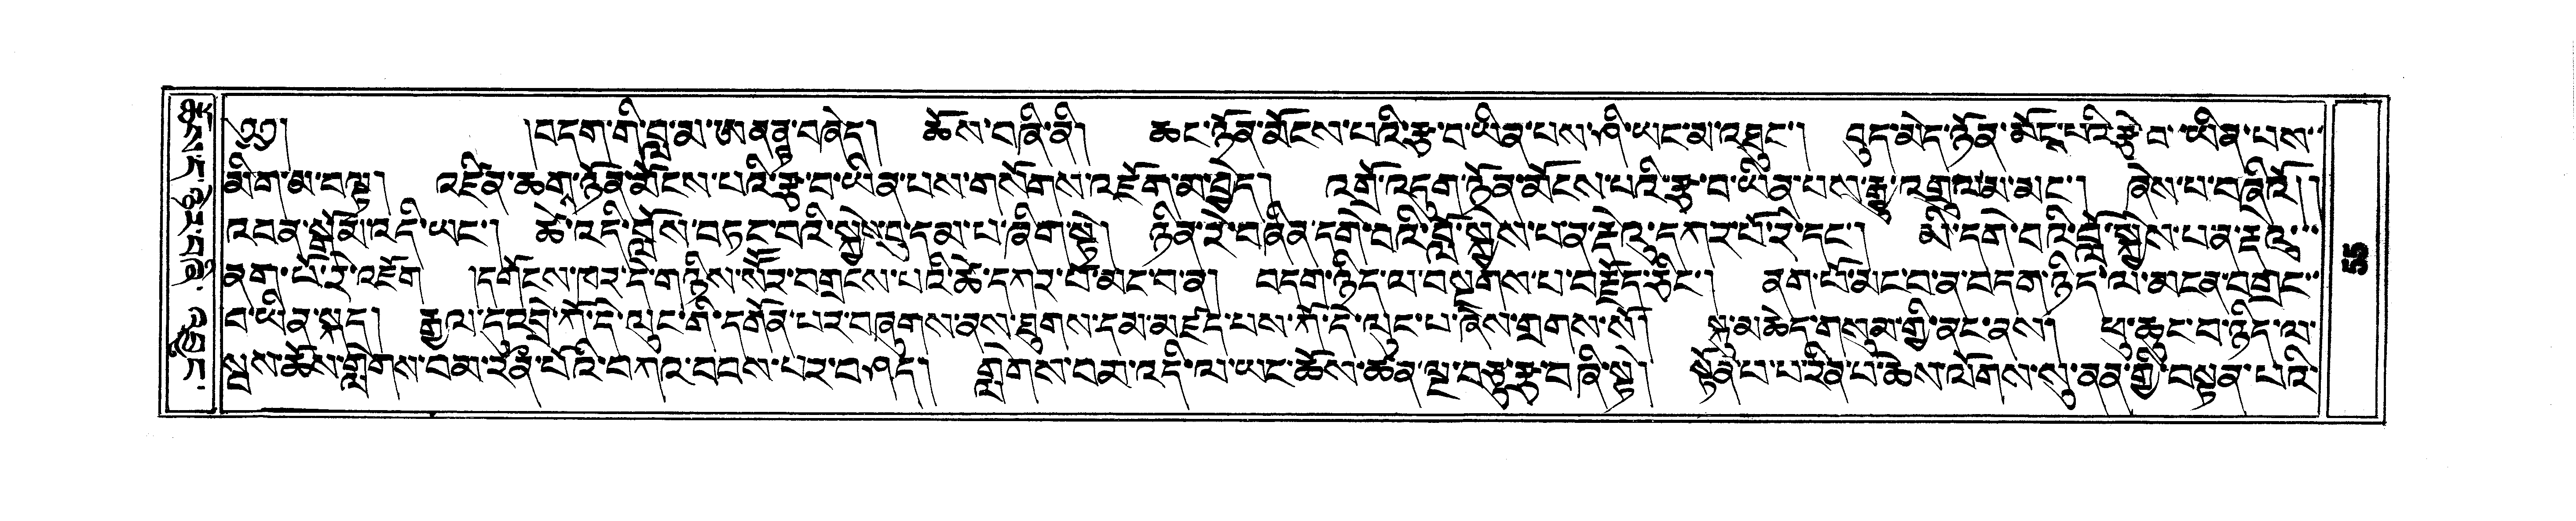༄༅། །བདག་གི་བླ་མ་ཨནནྟ་བཞེད། ཆོས་བཞི་ནི། ཆང་ཉོན་མོངས་པའི་རྩ་བ་ཡིན་པས་ཤི་ཡང་མ་འཐུང་། བུད་མེད་ཉོན་མོངས་པའི་རྩེ་བ་ཡིན་པས་
མིག་མ་བལྟ། འཛིན་ཆགས་ཉོན་མོངས་པའི་རྩ་བ་ཡིན་པས་གསོགས་འཇོག་མ་བྱེད། འགྲོ་འདུག་ཉོན་མོངས་པའི་རྩ་བ་ཡིན་པས་རྒྱུ་འགྲུལ་མ་མང་། ཞེས་པ་བཞིའོ། །
འབན་སྒོམ་འདི་ཡང་། ཚེ་འདི་བློས་བཏང་པའི་སྐྱེས་བུ་དམ་པ་ཞིག་སྟེ། ཉིན་རེ་བཞིན་དགེ་བའི་བློ་སྐྱེས་པ་ན་རྡེའུ་དཀར་པོ་རེ་དང་། མི་དགེ་བའི་བློ་སྐྱེས་པ་ན་རྡེའུ་
ནག་པོ་རེ་འཇོག །དགོངས་ཁར་དེ་གཉིས་སཽར་བགྲངས་པའི་ཚེ་དཀར་པོ་མང་བ་ན། བདག་ཉིད་ལ་བསྔགས་པ་བརྗོད་ཅིང་། ནག་པོ་མང་བ་ན་བདག་ཉིད་ལ་མངན་བགྲང་
བ་ཡིན་སྐད། རྒྱལ་དུ་འབྲེ་ཀོ་དེ་ལུང་གི་དགོན་པར་བཞུགས་ནས་ཐུགས་དམ་མཛད་པས་ཀོ་དེ་ལུང་པ་ཞེས་གྲགས་སོ། སྐུ་མཆེད་གསུམ་གྱི་ནང་ནས། ཕུ་ཆུང་བ་ཉིད་ལ་
སྦས་ཆོས་གླེགས་བམ་རྀན་པོའི་བཀའ་བབས་པར་བཤད། གླེགས་བམ་འདི་ལ་ཡང་ཆོས་ཚན་ལྔ་བཅུ་རྩ་བཞི་སྟེ། སྟོན་པ་པ་རིན་པ་ཆེས་ལོགས་སུ་ནན་གྱི་བསྟན་པའི་